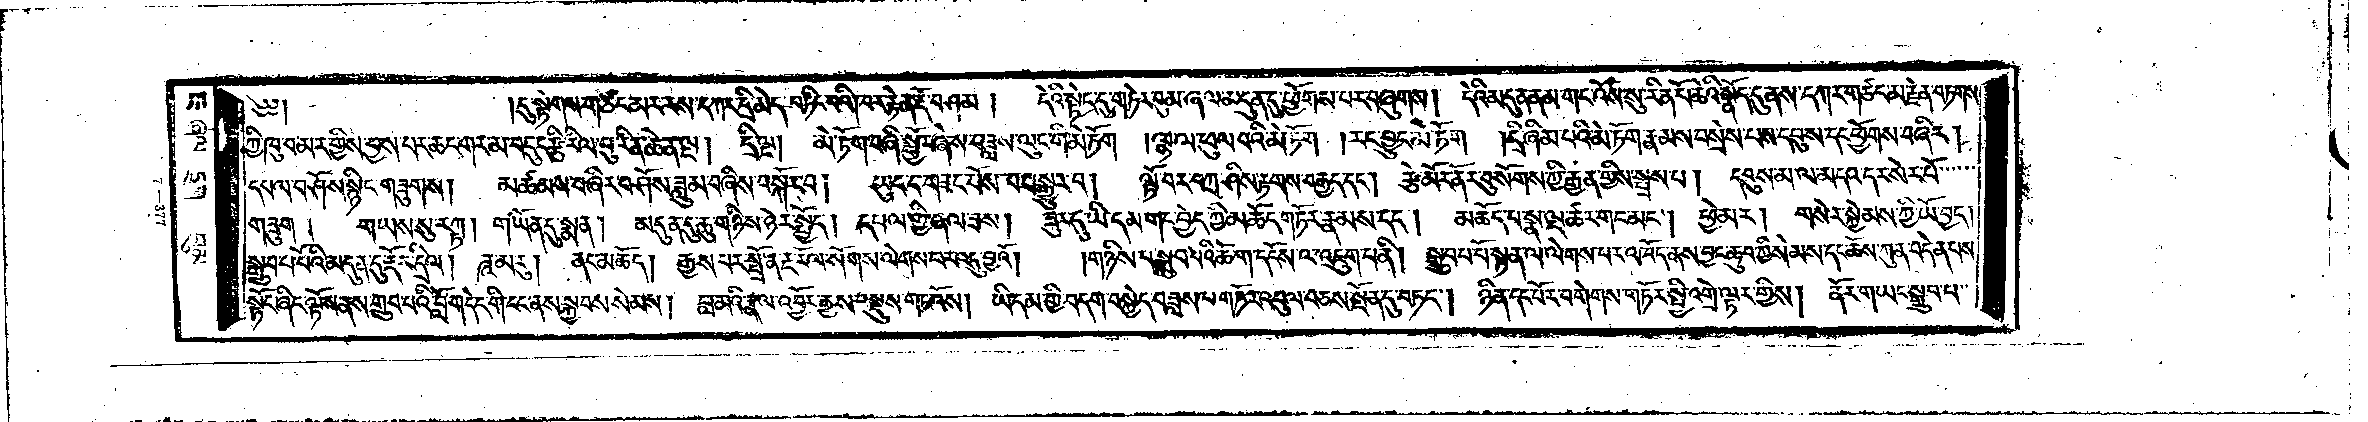༄༅། །དུ་སྟེགས་གཙང་མར་རས་དཀར་དྲི་མེད་བཏིང་བའི་ཁར་རྟེན་རྡོ་བཤམ། དེའི་སྟེང་དུ་གཏེར་བུམ་ཞལ་མདུན་དུ་ཕྱོགས་པར་བཞུགས། དེའི་མདུན་ནམ་གང་འོས་སུ་རིན་པོ་ཆེའི་སྣོད་དུ་ནས་དཀར་གཙའ་མ་རྗེན་བཏགས་
ཀྱི་ཁུ་བ་མར་གྱིས་བྱས་པར་ཆང་གར་མ་བདུད་རྩི་རིལ་བུ་རིན་ཆེན་ལྔ། དྲི་ལྔ། མེ་ཏོག་བཞི་སྦྱོར་ཞེས་བཟླས་ལུང་གི་མེ་ཏོག །ལྷ་ལ་ཕུལ་བའི་མེ་ཏོག །རང་བྱུང་མེ་ཏོག །དྲི་ཞིམ་པའི་མེ་ཏོག་རྣམས་བསྲེས་པས་དབུས་དང་ཕྱོགས་བཞིར།
དཔལ་བཤོས་སྙིང་གཟུགས། མཚམས་བཞིར་བཤོས་ཟླུམ་བཞིས་བསྐོར་བ། ཡུང་བ་བཟང་པོས་ཁ་བསྒྱུར་བ། ལྟོ་བར་བཀྲ་ཤིས་རྟགས་བརྒྱད་དང་། རྩེ་མོར་ནོར་བུ་སོགས་ཀྱི་རྒྱན་གྱིས་སྦྲས་པ། དབུས་མ་ལ་མདའ་དར་སེར་པོ་
གཟུག ། གཡས་སུ་རཀྟ། གཡོན་དུ་སྨན། མདུན་དུ་ཆུ་གཉིས་ཉེར་སྤྱོད། དཔལ་གྱི་ཞལ་ཟས། ཟུར་དུ་ཡི་དམ་གང་བྱེད་ཀྱི་མཆོད་གཏོར་རྣམས་དང་། མཆོད་པ་སྣ་ལྔ་ཚར་གང་མང་། ཕྱེ་མར། གསར་སྐྱེམས་ཀྱི་ཡོ་བྱད།
སྒྲུབ་པ་པོའི་མདུན་དུ་རྡོར་དྲིལ། ཌཱ་མ་རུ། ནང་མཆོད། རྒྱས་པར་སྤྲོན་རྔ་རོལ་སོགས་ལེགས་པར་འདུ་བྱའོ། །གཉིས་པ་སྒྲུབ་པའི་ཆོག་དངོས་ལ་འཇུག་པ་ནི། སྒྲུབ་པ་པོ་སྟན་ལ་ལེགས་པར་འཁོད་ནས་བྱང་ཆུབ་ཀྱི་སེམས་དང་ཆོས་ཀུན་བདེན་པས་
སྟོང་ཞིང་ལྟོས་ནས་གྲུབ་པའི་བློ་གདེང་གི་ངང་ནས་སྐྱབས་སེམས། བླ་མའི་རྣལ་འབྱོར་རྒྱས་བསྡུས་གང་འོས། ཡི་དམ་གྱི་བདག་བསྐྱེད་བཟླས་པ་གཏོར་འབུལ་བཅས་སྔོན་དུ་བཏང་། ཉིན་དང་པོར་བགེགས་གཏོར་སྤྱི་འགྲོ་ལྟར་གྱིས། ནོར་གཡང་སྒྲུབ་པ་